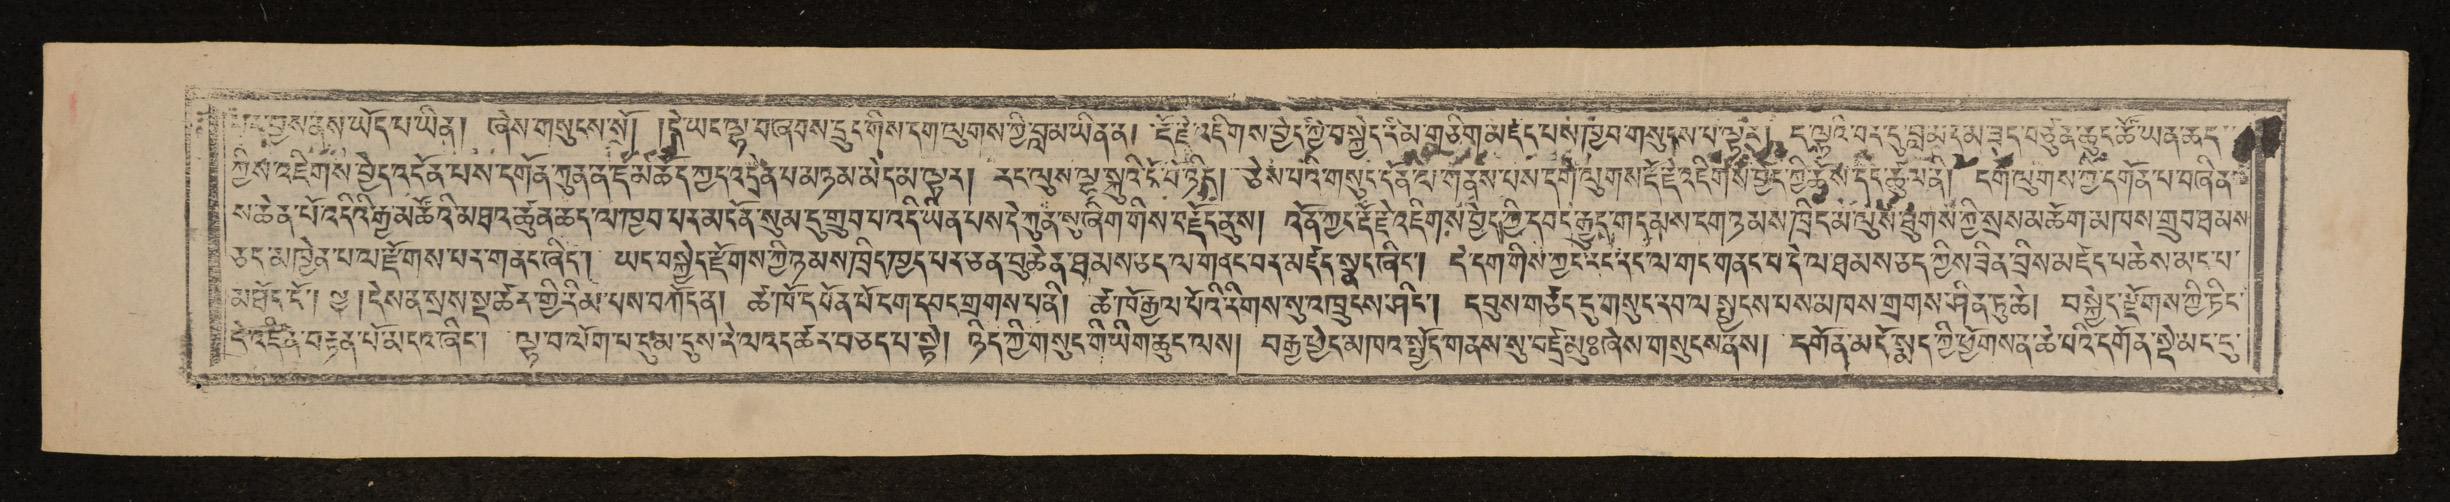བར་བྱས་ནས་ཡོད་པ་ཡིན། ཞེས་གསུངས་སོ། །དེ་ཡང་ལྔ་པ་ཞབས་དྲུང་གིས་དགེ་ལུགས་ཀྱི་བླ་མ་ཡིན་ན། རྡོ་རྗེ་འཇིགས་བྱེད་ཀྱི་བསྐྱེད་རིམ་གཅིག་མཛད་པས་ཁྱབ་གསུངས་པ་ལྟར། ད་ལྟའི་བར་དུ་བླ་མར་མ་ཟད་བཙུན་ཆུང་ཚོ་ཡན་ཆད་
ཀྱིས་འཇིགས་བྱེད་འདོན་པས་དགོན་ཀུན་ན་ཇ་མཆོད་ཀྱང་འདྲེན་པ་མཉམ་མེད་མ་ལྟར། རང་ལུས་ལྷ་སྐུའི་ངོ་བོ་ཉིད། ཅེས་པའི་གསུང་དོན་ལ་གནས་བས་དགེ་ལུགས་རྡོ་རྗེ་འཇིགས་བྱེད་ཀྱི་ཆོས་དར་ཚུལ་ནི། དགེ་ལུགས་ཀྱི་དགོན་པ་བཞིན་
ས་ཆེན་པོ་འདིའི་རྒྱ་མཚོའི་མཐའ་ཚུན་ཆད་ལ་ཁྱབ་པར་མངོན་སུམ་དུ་གྲུབ་པ་འདི་ཡིན་པས་དེ་ཀུན་སུ་ཞིག་གིས་བརྗོད་ནུས། འོན་ཀྱང་རྡོ་རྗེ་འཇིགས་བྱེད་ཀྱི་དབང་རྒྱུད་གདམས་ངག་ཉམས་ཁྲིད་མ་ལུས་ཐུགས་ཀྱི་སྲས་མཆོག་མཁས་གྲུབ་ཐམས་
ཅད་མཁྱེན་པ་ལ་རྫོགས་པར་གནང་ཞིང་། ཡང་བསྐྱེད་རྫོགས་ཀྱི་ཉམས་ཁྲིད་ཁྱད་པར་ཅན་བུ་ཆེན་ཐམས་ཅད་ལ་གནང་བར་མཛད་སྣང་ཞིང་། དེ་དག་གིས་ཀྱང་རང་རང་ལ་གང་གནང་བ་དེ་ལ་ཐམས་ཅད་ཀྱིས་ཟིན་བྲིས་མཛད་པ་ཆེས་མང་བ་
མཐོང་ངོ། ༈ །དེས་ན་སྲས་སྔ་ཚར་གྱི་རིམ་པས་བཀོད་ན། ཚ་ཁོ་དཔོན་པོ་ངག་དབང་གྲགས་པ་ནི། ཚ་ཁོ་རྒྱལ་པོའི་རིགས་སུ་འཁྲུངས་ཤིང་། དབུས་གཙང་དུ་གསུང་རབ་ལ་སྦྱངས་པས་མཁས་གྲགས་ཤིན་ཏུ་ཆེ། བསྐྱེད་རྫོགས་ཀྱི་ཏིང་
ངེ་འཛིན་བརྟན་པོ་མངའ་ཞིང་། ལྟ་བ་ལོག་པ་དུམ་དུས་རེ་ལའང་ཚར་བཅད་པ་སྟེ། ཉིད་ཀྱི་གསང་གི་ཡིག་ཆུང་ལས། བརྒྱ་ཕྱེད་མཁའ་སྤྱོད་གནས་སུ་བཛྲ་མུཿ ཞེས་གསུངས་ནས། དགོན་མདོ་སྨད་ཀྱི་ཕྱོགས་ན་ཆེ་བའི་དགོན་སྡེ་མང་དུ་